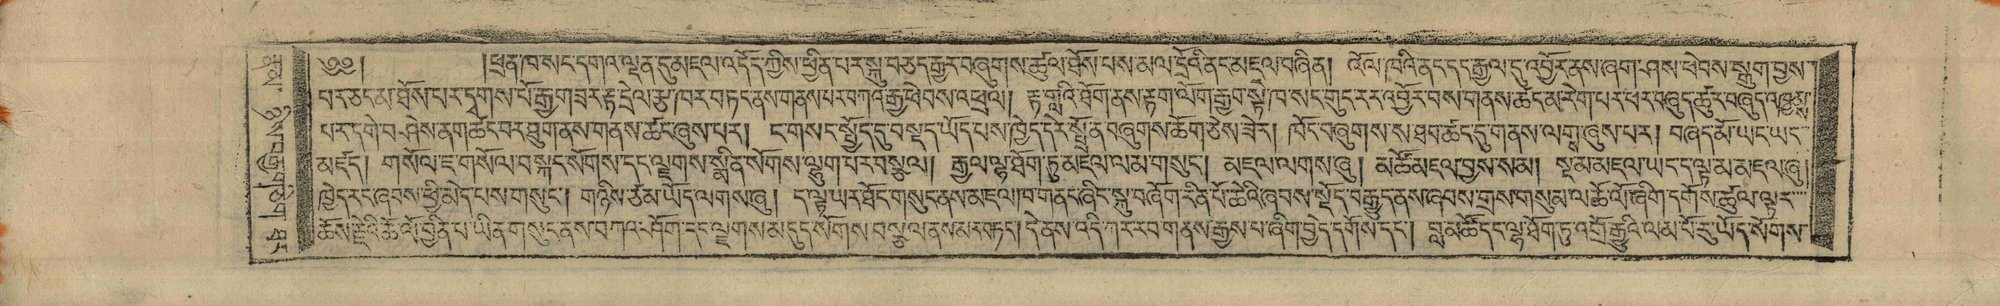༄༅། །ཕྲན་ཁ་སང་དགའ་ལྡན་དུ་མཇལ་འདོད་ཀྱིས་ཕྱིན་པར་སྐུ་བཅད་རྒྱར་བཞུགས་ཚུལ་ཐོས་པས་མལ་དྲོའི་ནང་མཇལ་བཞིན། འོལ་ཁའི་ནང་དང་རྒྱལ་དུ་འབྱོར་ནས་ཞག་ཤས་ཕེབས་སྒུག་བྱས་
པར་ཅང་མ་ཐོས་པར་དྭགས་པོ་རྒྱག་བྲར་རྟ་དྲེལ་རྩ་ཁར་བཏང་ནས་གནས་པར་བཀའ་རྒྱ་ཕེབས་འཕྲལ། རྟ་གླའི་ཐོག་ནས་རྟག་ལོག་རྒྱབ་སྟེ་ཁ་སང་གུང་རར་འབྱོར་བས་གནས་ཚང་མ་རེག་པར་ཕར་བཞུད་ཚུར་བཞུད་འཁྱམས་
པར་དགེ་བཤེས་ནག་ཚེང་བར་ཐུག་ནས་གནས་ཚང་ཞུས་པར། ང་གསང་སྤྱོད་དུ་བསྡད་ཡོད་པས་ཁྱེད་དེར་སྤྲོ་ན་བཞུགས་ཆོག་ཅེས་ཟེར། ཁོང་བཞུགས་ས་ཐབ་ཚང་དུ་གནས་ལགས་ཞུས་པར། བཞད་མོ་ཡང་ཡང་
མཛད། གསོལ་ཇ་གསོལ་བསྐང་སོགས་དང་ལྗགས་སྨིན་སོགས་ལྷུག་པར་བསྩལ། རྒྱལ་ལྷ་ཐོག་ཏུ་མཇལ་ལམ་གསུང་། མཇལ་ལགས་ཞུ། མཚོ་མཇལ་བྱས་སམ། སྔ་མ་མཇལ་ཡང་ད་ལྟ་མ་མཇལ་ཞུ།
ཁྱེད་རང་ཞབས་ཕྱི་མེད་པས་གསུང་། གཉིས་ཙམ་ཡོད་ལགས་ཞུ། ད་ལྟ་ཡར་ཐོང་གསུང་ནས་མཇལ་ཁ་གནང་ཞིང་སྐུ་བཞོག་རིན་པོ་ཆེའི་ཞབས་སྡོད་བརྒྱུད་ནས་ཞབས་གྲས་གསུམ་ལ་ཆོ་ལོ་ཞིག་དགོས་ཚུལ་ལྟར་
ཆོས་རྗེའི་ཆོ་ལོ་བྱིན་པ་ཡིན་གསུང་ནས་བཀའ་ཤོག་དང་ལྗགས་མདུད་སོགས་བསྩལ་ནས་མར་བཏང་། དེ་ནས་འདི་ཀར་རབ་གནས་རྒྱས་པ་ཞིག་བྱེད་དགོས་དང་། བླ་མཚོ་དང་ལྷ་ཐོག་ཏུ་འགྲོ་རྒྱུའི་ལམ་པོ་རུ་ཡོད་སོགས་